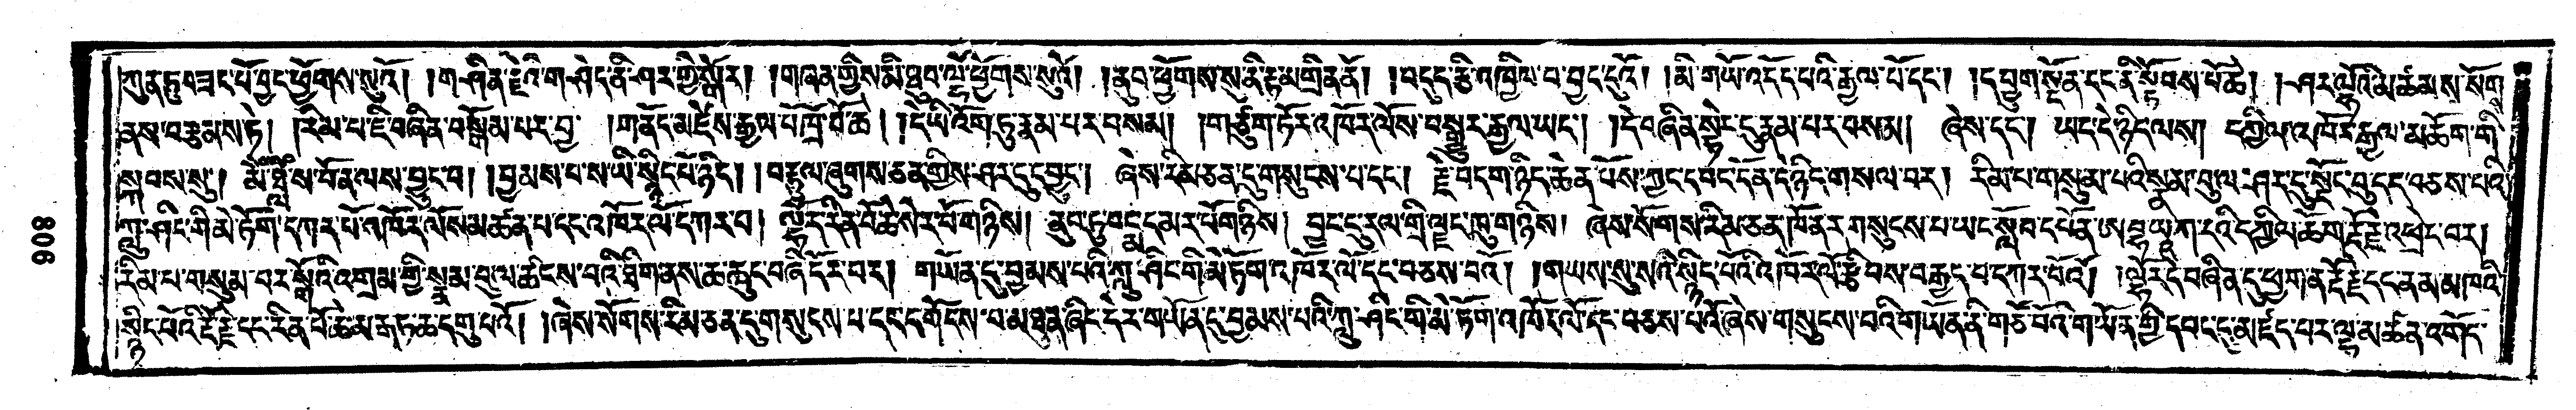ཀུན་ཏུ་བཟང་པོ་བྱང་ཕྱོགས་སུའོ། །གཤིན་རྗེའི་གཤེད་ནི་ཤར་གྱི་སྒོར། །གཞན་གྱིས་མི་ཐུབ་ལྷོ་ཕྱོགས་སུའོ། །ནུབ་ཕྱོགས་སུ་ནི་རྟ་མགྲིན་ནོ། །བདུད་རྩི་འཁྱིལ་བ་བྱང་དུའོ། །མི་གཡོ་འདོད་པའི་རྒྱལ་པོ་དང་། །དབྱུག་སྔོན་དང་ནི་སྟོབས་པོ་ཆེ། །ཤར་ལྷོའི་མཚམས་སོགས་
ནས་བརྩམས་ཏེ། །རིམ་པ་ཇི་བཞིན་བསྒོམ་པར་བྱ་།གནོད་མཛེས་རྒྱལ་པོ་ཁྲོ་བོ་ཆེ། །དེ་ཡི་འོག་ཏུ་རྣམ་པར་བསམ། །གཙུག་ཏོར་འཁོར་ལོས་བསྒྱུར་རྒྱལ་ཡང་། །དེ་བཞིན་སྟེང་དུ་རྣམ་པར་བསམ། ཞེས་དང་། ཡང་དེ་ཉིད་ལས། དཀྱིལ་འཁོར་རྒྱལ་མཆོག་གི་
སྐབས་སུ། མཻཾ་ཐླིཾ་ས་བོན་ལས་བྱུང་བ། །བྱམས་པ་ས་ཡི་སྙིང་པོ་ཉིད། །བརྟུལ་ཞུགས་ཅན་གྱིས་ཤར་དུ་དབྱུང་། ཞེས་རིམ་ཅན་དུ་གསུངས་པ་དང་། རྗེ་བདག་ཉིད་ཆེན་པོས་ཀྱང་དབང་དོན་དེ་ཉིད་གསལ་བར། རིམ་པ་གསུམ་པའི་སྣམ་བུ་ལ་ཤར་དུ་སྡོང་བུ་དང་བཅས་པའི་
ཀླུ་ཤིང་གི་མེ་ཏོག་དཀར་པོ་འཁོར་ལོས་མཚན་པ་དང་འཁོར་ལོ་དཀར་བ། ལྷོར་རིན་བོ་ཆེ་སེར་བོ་གཉིས། ནུབ་ཏུ་པདམ་དམར་པོ་གཉིས། བྱང་དུ་རལ་གྲི་ལྗང་ཁུ་གཉིས། ཞེས་སོགས་རིམ་ཅན་ཁོ་ནར་གསུངས་པ་ཡང་སློབ་དཔོན་ཨབྷ་ཡྵིཀ་དའི་དཀྱིལ་ཆོག་རྡོ་རྗེ་འཕྲེང་བར།
རིམ་པ་གསུམ་པར་སྒོའི་འགྲམ་གྱི་སྣམ་བུ་ལ་ཚངས་བའི་ཐིག་ནས་ཆ་ཆུང་བཞི་དོར་བར། གཡོན་དུ་བྱམས་པའི་ཀླུ་ཤིང་གི་མེ་ཏོག་འཁོར་ལོ་དང་བཅས་བའོ། །གཡས་སུ་སའི་སྙིང་པོའི་འཁོར་ལོ་རྩིབས་བརྒྱད་བ་དཀར་བོའོ། །ལྷོར་དེ་བཞིན་དུ་ཕྱག་ན་རྡོ་རྗེ་དང་ནམ་མཁའི་
སྙིང་པོའི་རྡོ་རྗེ་དང་རིན་པོ་ཆེ་མརྒཏ་ཆ་དགུ་པའོ། །ཞེས་སོགས་རིམ་ཅན་དུ་གསུངས་པ་དང་དགོངས་པ་མཐུན་ཞིང་དེར་གཡོན་དུ་བྱམས་པའི་ཀླུ་ཤིང་གི་མེ་ཏོག་འཁོར་ལོ་དང་བཅས་པའོ་ཞེས་གསུངས་པའི་གཡོན་ནི་གཙོ་བོའི་གཡོན་གྱི་དབང་དུ་མཛད་པར་ལྷ་མཚན་འགོད་